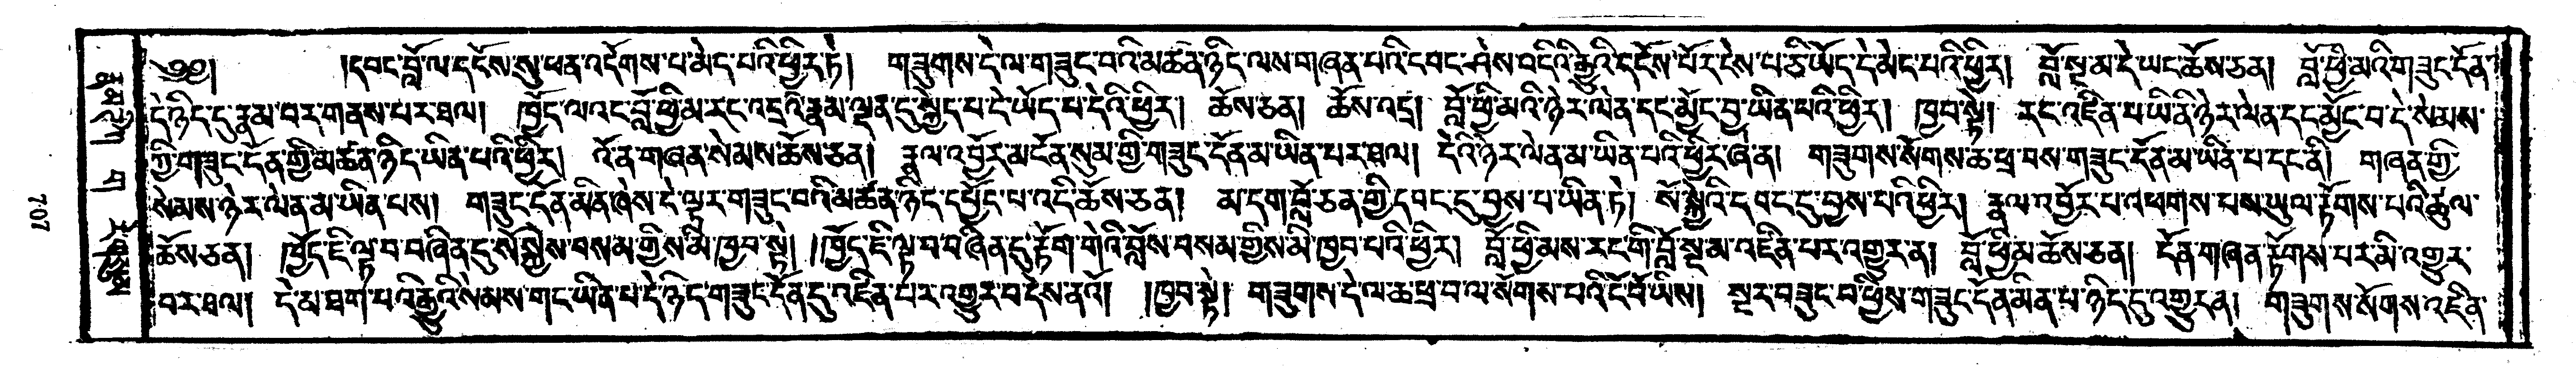༄༅། །དབང་བློ་ལ་དངོས་སུ་ཕན་འདོགས་པ་མེད་པའི་ཕྱིར་ཏེ། གཟུགས་དེ་ལ་གཟུང་བའི་མཚན་ཉིད་ལས་གཞན་བའི་དབང་ཤེས་འདིའི་རྒྱུའི་དངོས་པོར་ངེས་པ་ཅི་ཡོད་དེ་མེད་པའི་ཕྱིར། བློ་སྔ་མ་དེ་ཡང་ཆོས་ཅན། བློ་ཕྱི་མའི་གཟུང་དོན་
དེ་ཉིད་དུ་རྣམ་བར་གནས་པར་ཐལ། ཁྱོད་ལའང་བློ་ཕྱི་མ་རང་འདྲའི་རྣམ་ལྡན་དུ་སྐྱེད་པ་དེ་ཡོད་པ་དེའི་ཕྱིར། ཆོས་ཅན། ཆོས་འདྲ། བློ་ཕྱི་མའི་ཉེར་ལེན་དང་མྱོང་བྱ་ཡིན་པའི་ཕྱིར། ཁྱབ་སྟེ། རང་འཛིན་པ་ཡི་ནི་ཉེར་ལེན་དང་མྱོང་བ་དེ་སེམས་
ཀྱི་གཟུང་དོན་གྱི་མཚན་ཉིད་ཡིན་པའི་ཕྱིར། འོ་ན་གཞན་སེམས་ཆོས་ཅན། རྣལ་འབྱོར་མངོན་སུམ་གྱི་གཟུང་དོན་མ་ཡིན་པར་ཐལ། དེའི་ཉེར་ལེན་མ་ཡིན་པའི་ཕྱིར་ཞེ་ན། གཟུགས་སོགས་ཆ་ཕྲ་བས་གཟུང་དོན་མ་ཡིན་པ་དང་ནི། གཞན་གྱི་
སེམས་ཉེར་ལེན་མ་ཡིན་པས། གཟུང་དོན་མིན་ཞེས་དེ་ལྟར་གཟུང་བའི་མཚན་ཉིད་དཔྱོད་པ་འདི་ཆོས་ཅན། མ་དག་བློ་ཅན་གྱི་དབང་དུ་བྱས་པ་ཡིན་ཏེ། སོ་སྐྱེའི་དབང་དུ་བྱས་པའི་ཕྱིར། རྣལ་འབྱོར་པ་འཕགས་པས་ཡུལ་རྟོགས་པའི་ཚུལ་
ཆོས་ཅན། ཁྱོད་ཇི་ལྟ་བ་བཞིན་དུ་སོ་སྐྱེས་བསམ་གྱིས་མི་ཁྱབ་སྟེ། །ཁྱོད་ཇི་ལྟ་བ་བཞིན་དུ་རྟོག་གེའི་བློས་བསམ་གྱིས་མི་ཁྱབ་པའི་ཕྱིར། བློ་ཕྱི་མས་རང་གི་བློ་སྔ་མ་འཛིན་པར་འགྱུར་ན། བློ་ཕྱི་མ་ཆོས་ཅན། དོན་གཞན་རྟོགས་པར་མི་འགྱུར་
བར་ཐལ། དེ་མ་ཐག་པའི་རྒྱུའི་སེམས་གང་ཡིན་པ་དེ་ཉིད་གཟུང་དོན་དུ་འཛིན་པར་འགྱུར་བ་དེས་ནའོ། །ཁྱབ་སྟེ། གཟུགས་དེ་ལ་ཆ་ཕྲ་བ་ལ་སོགས་པའི་ངོ་བོ་ཡིས། སྔར་བཟུང་བ་ཕྱིས་གཟུང་དོན་མིན་པ་ཉིད་དུ་འགྱུར་ན། གཟུགས་སོགས་འཛིན་